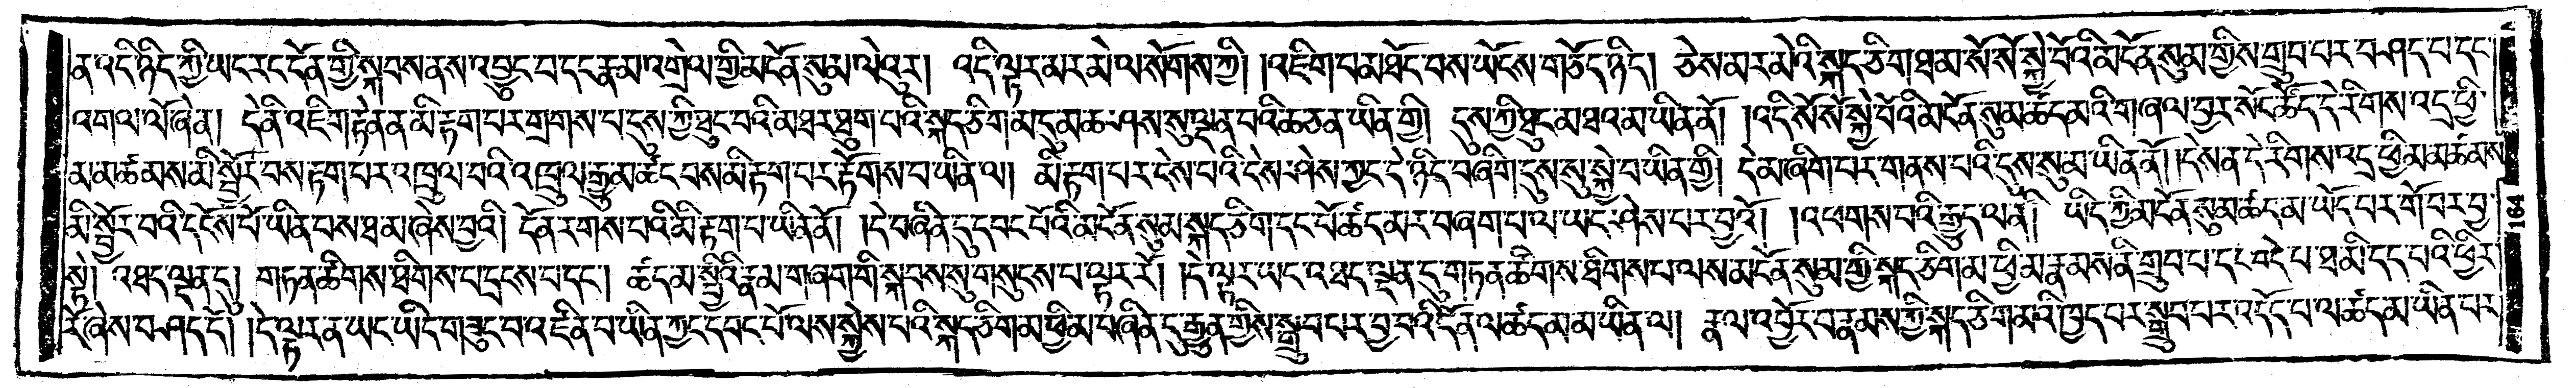ན་འདི་ཉིད་ཀྱི་ཡང་རང་དོན་གྱི་སྐབས་ནས་འབྱུང་བ་དང་རྣམ་འགྲེལ་གྱི་མངོན་སུམ་ལེའུར། འདི་ལྟར་མར་མེ་ལ་སོགས་ཀྱི། །འཇིག་པ་མཐོང་བས་ཡོངས་གཅོད་ཉིད། ཅེས་མར་མེའི་སྐད་ཅིག་ཐ་མ་སོ་སོ་སྐྱེ་བོའི་མངོན་སུམ་གྱིས་གྲུབ་པར་བཤད་པ་དང་
འགལ་ལོ་ཞེ་ན། དེ་ནི་འཇིག་རྟེན་ན་མི་རྟག་པར་གྲགས་པ་དུས་ཀྱི་ཐུང་བའི་མཐར་ཐུག་པའི་སྐད་ཅིག་མ་དུ་མ་ཆ་ཤས་སུ་ལྡན་པའི་ཆ་ཅན་ཡིན་གྱི། དུས་ཀྱི་ཐུང་མཐའ་མ་ཡིན་ནོ། །འདི་སོ་སོ་སྐྱེ་བོའི་མངོན་སུམ་ཚད་མའི་གཞལ་བྱར་སོང་ཚོད་དེ་རིགས་འདྲ་ཕྱི་
མ་མཚམས་མི་སྦྱོར་བས་རྟག་པར་འཁྲུལ་པའི་འཁྲུལ་རྒྱུ་མ་ཚང་བས་མི་རྟག་པར་རྟོགས་པ་ཡིན་ལ། མི་རྟག་པར་ངེས་པའི་ངེས་ཤེས་ཀྱང་དེ་ཉིད་བཞིག་དུས་སུ་སྐྱེ་བ་ཡིན་གྱི། དེ་མ་ཞིག་པར་གནས་པའི་དུས་སུ་མ་ཡིན་ནོ། །དེས་ན་དེ་རིགས་འདྲ་ཕྱི་མ་མཚམས་
མི་སྦྱོར་བའི་དངོས་པོ་ཡིན་པས་ཐ་མ་ཞེས་བྱའི། དོན་རགས་པའི་མི་རྟག་པ་ཡིན་ནོ། །དེ་བཞིན་དུ་དབང་པོའི་མངོན་སུམ་སྐད་ཅིག་དང་པོ་ཚད་མར་བཞག་པ་ལ་ཡང་ཤེས་པར་བྱའོ། །འཕགས་པའི་རྒྱུད་ལ་ནི། ཡིད་ཀྱི་མངོན་སུམ་ཚད་མ་ཡོད་པར་གོ་བར་བྱ་
སྟེ། འཐད་ལྡན་དུ། གཏན་ཚིགས་ཐིགས་པ་དྲངས་པ་དང་། ཚད་མ་སྤྱིའི་རྣམ་གཞག་གི་སྐབས་སུ་གསུངས་པ་ལྟར་རོ། །དེ་ལྟར་ཡང་འཐད་ལྡན་དུ་གཏན་ཚིགས་ཐིགས་པ་ལས་མངོན་སུམ་གྱི་སྐད་ཅིག་མ་ཕྱི་མ་རྣམས་ནི་གྲུབ་པ་དང་བདེ་པ་ཐ་མི་དད་པའི་ཕྱིར་
རོ་ཞེས་བཤད་དོ། །དེ་ལྟར་ན་ཡང་ཡིད་གཟུང་བ་འཛིན་པ་ཡིན་ཀྱང་དབང་པོ་ལས་སྐྱེས་པའི་སྐད་ཅིག་མ་ཕྱི་མ་བཞིན་དུ་རྒྱུན་གྱིས་སྒྲུབ་པར་བྱ་བའི་དོན་ལ་ཚད་མ་མ་ཡིན་ལ། རྣལ་འབྱོར་པ་རྣམས་ཀྱི་སྐད་ཅིག་མའི་ཁྱད་པ་སྒྲུབ་པར་འདོད་པ་ལ་ཚད་མ་ཡིན་པར་